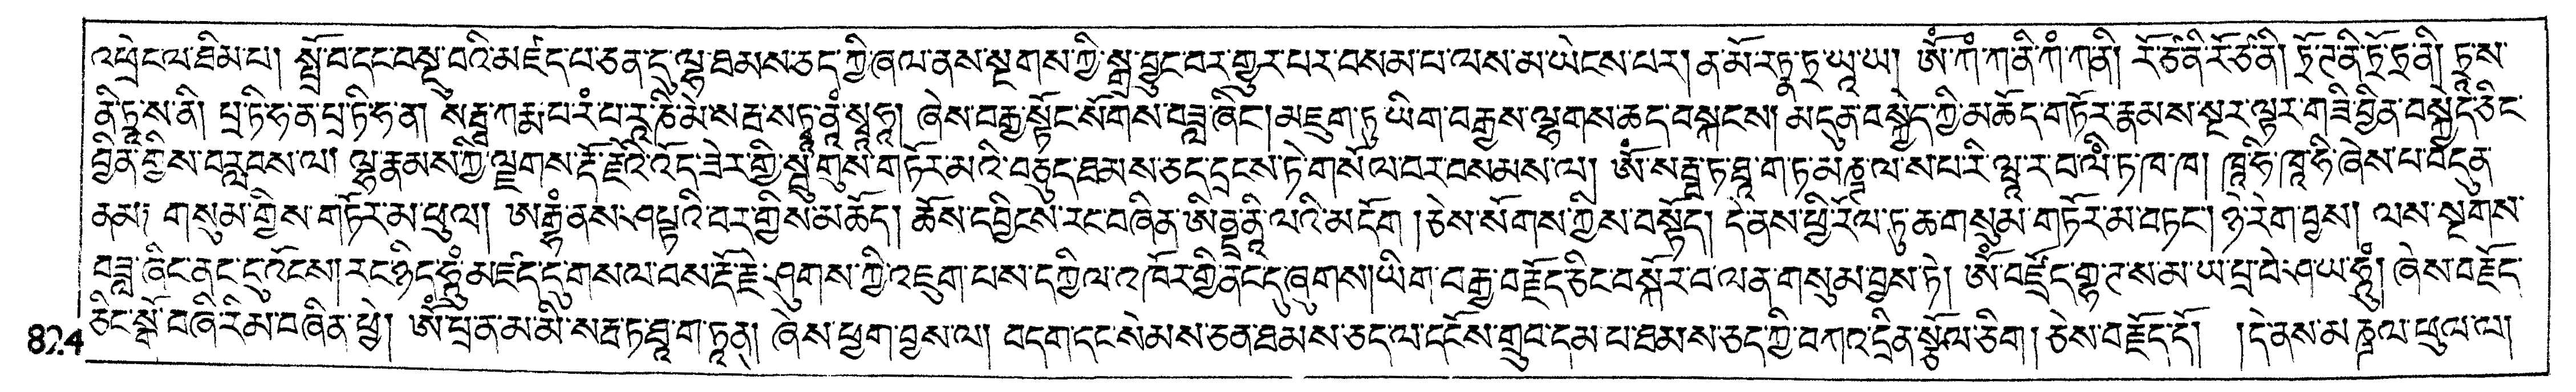འཕྲེང་ལ་ཐིམ་པ། སྤྲོ་བ་དང་བསྡུ་བའི་མཛད་པ་ཅན་དུ་ལྷ་ཐམས་ཅད་ཀྱི་ཞལ་ནས་སྔགས་ཀྱི་སྒྲ་བྱུང་བར་གྱུར་པར་བསམ་པ་ལས་མ་ཡེངས་པར། ན་མོ་རཏྣ་ཏྲ་ཡཱ་ཡ། ཨོཾ་ཀཾ་ཀ་ནི་ཀཾ་ཀ་ནི། རོ་ཙ་ནི་རོ་ཙ་ནི། ཏྲོ་ཊ་ནི་ཏྲོ་ཏྲ་ནི། ཏྲཱ་ས་
ནི་ཏྲཱ་ས་ནི། པྲ་ཏི་ཧ་ན་པྲ་ཏི་ཧ་ན། སརྦྦ་ཀརྨ་པ་རཾ་པ་རཱ་ཎི་མེ་སརྦ་སཏྭཱ་ནཱཾ་སྭཱཧཱ། ཞེས་བརྒྱ་སྟོང་སོགས་བཟླ་ཞིང་མཇུག་ཏུ་ཡིག་བརྒྱས་ལྷགས་ཆད་བསྐངས། མདུན་བསྐྱེད་ཀྱི་མཆོད་གཏོར་རྣམས་སྔར་ལྟར་གཅི་བྱིན་བསྐྱེད་ཅིང་
བྱིན་གྱིས་བརླབས་ལ། ལྷ་རྣམས་ཀྱི་ལྗགས་རྡོ་རྗེའི་འོད་ཟེར་གྱི་སྦུ་གུས་གཏོར་མའི་བཅུད་ཐམས་ཅད་དྲངས་ཏེ་གསོལ་བར་བསམས་ལ། ཨོཾ་སརྦྦ་ཏ་ཐཱ་ག་ཏ་མཎྚ་ལ་ས་པ་རི་ཝཱ་ར་བ་ལཾཨི་ཏ་ཁ་ཁ། ཁཱ་ཧི་ཁཱ་ཧི་ཞེས་པ་བདུན་
ནམ༑ གསུམ་གྱིས་གཏོར་མ་ཕུལ། ཨརྒྷཾ་ནས་ཤཔྟའི་བར་གྱིས་མཆོད། ཆོས་དབྱིངས་རང་བཞིན་ཨིནྡྲ་ནཱི་ལའི་མདོག །ཅེས་སོགས་ཀྱིས་བསྟོད། དེ་ནས་ཕྱི་རོལ་ཏུ་ཆ་གསུམ་གཏོར་མ་བཏང་། ཉེ་རེག་བྱས། ལས་སྔགས་
བཟླ་ཞིང་ནང་དུ་འོངས། རང་ཉིད་ཧཱུཾ་མཛད་དུ་གསལ་བས་རྡོ་རྗེ་ཤུགས་ཀྱི་འཇུག་པས་དཀྱིལ་འཁོར་གྱི་ནང་དུ་ཞུགས། ཡིག་བརྒྱ་བརྗོད་ཅིང་བསྐོར་བ་ལན་གསུམ་བྱས་ཏེ། ཨོམ་བཛྲོད་གྷ་ཊ་ས་མ་ཡ་པྲ་བེ་ཤ་ཡ་ཧཱུཾ། ཞེས་བརྗོད་
ཅིང་སྒོ་བཞི་རིམ་བཞིན་ཕྱེ། ཨོཾ་པྲ་ན་མ་མི་སརྦ་ཏ་ཐཱ་ག་ཏཱ་ན། ཞེས་ཕྱག་བྱས་ལ། བདག་དང་སེམས་ཅན་ཐམས་ཅད་ལ་དངོས་གྲུབ་དམ་པ་ཐམས་ཅད་ཀྱི་བཀའ་དྲིན་སྩོལ་ཅིག །ཅེས་བརྗོད་དོ། །དེ་ནས་མཎྜལ་ཕུལ་ལ་